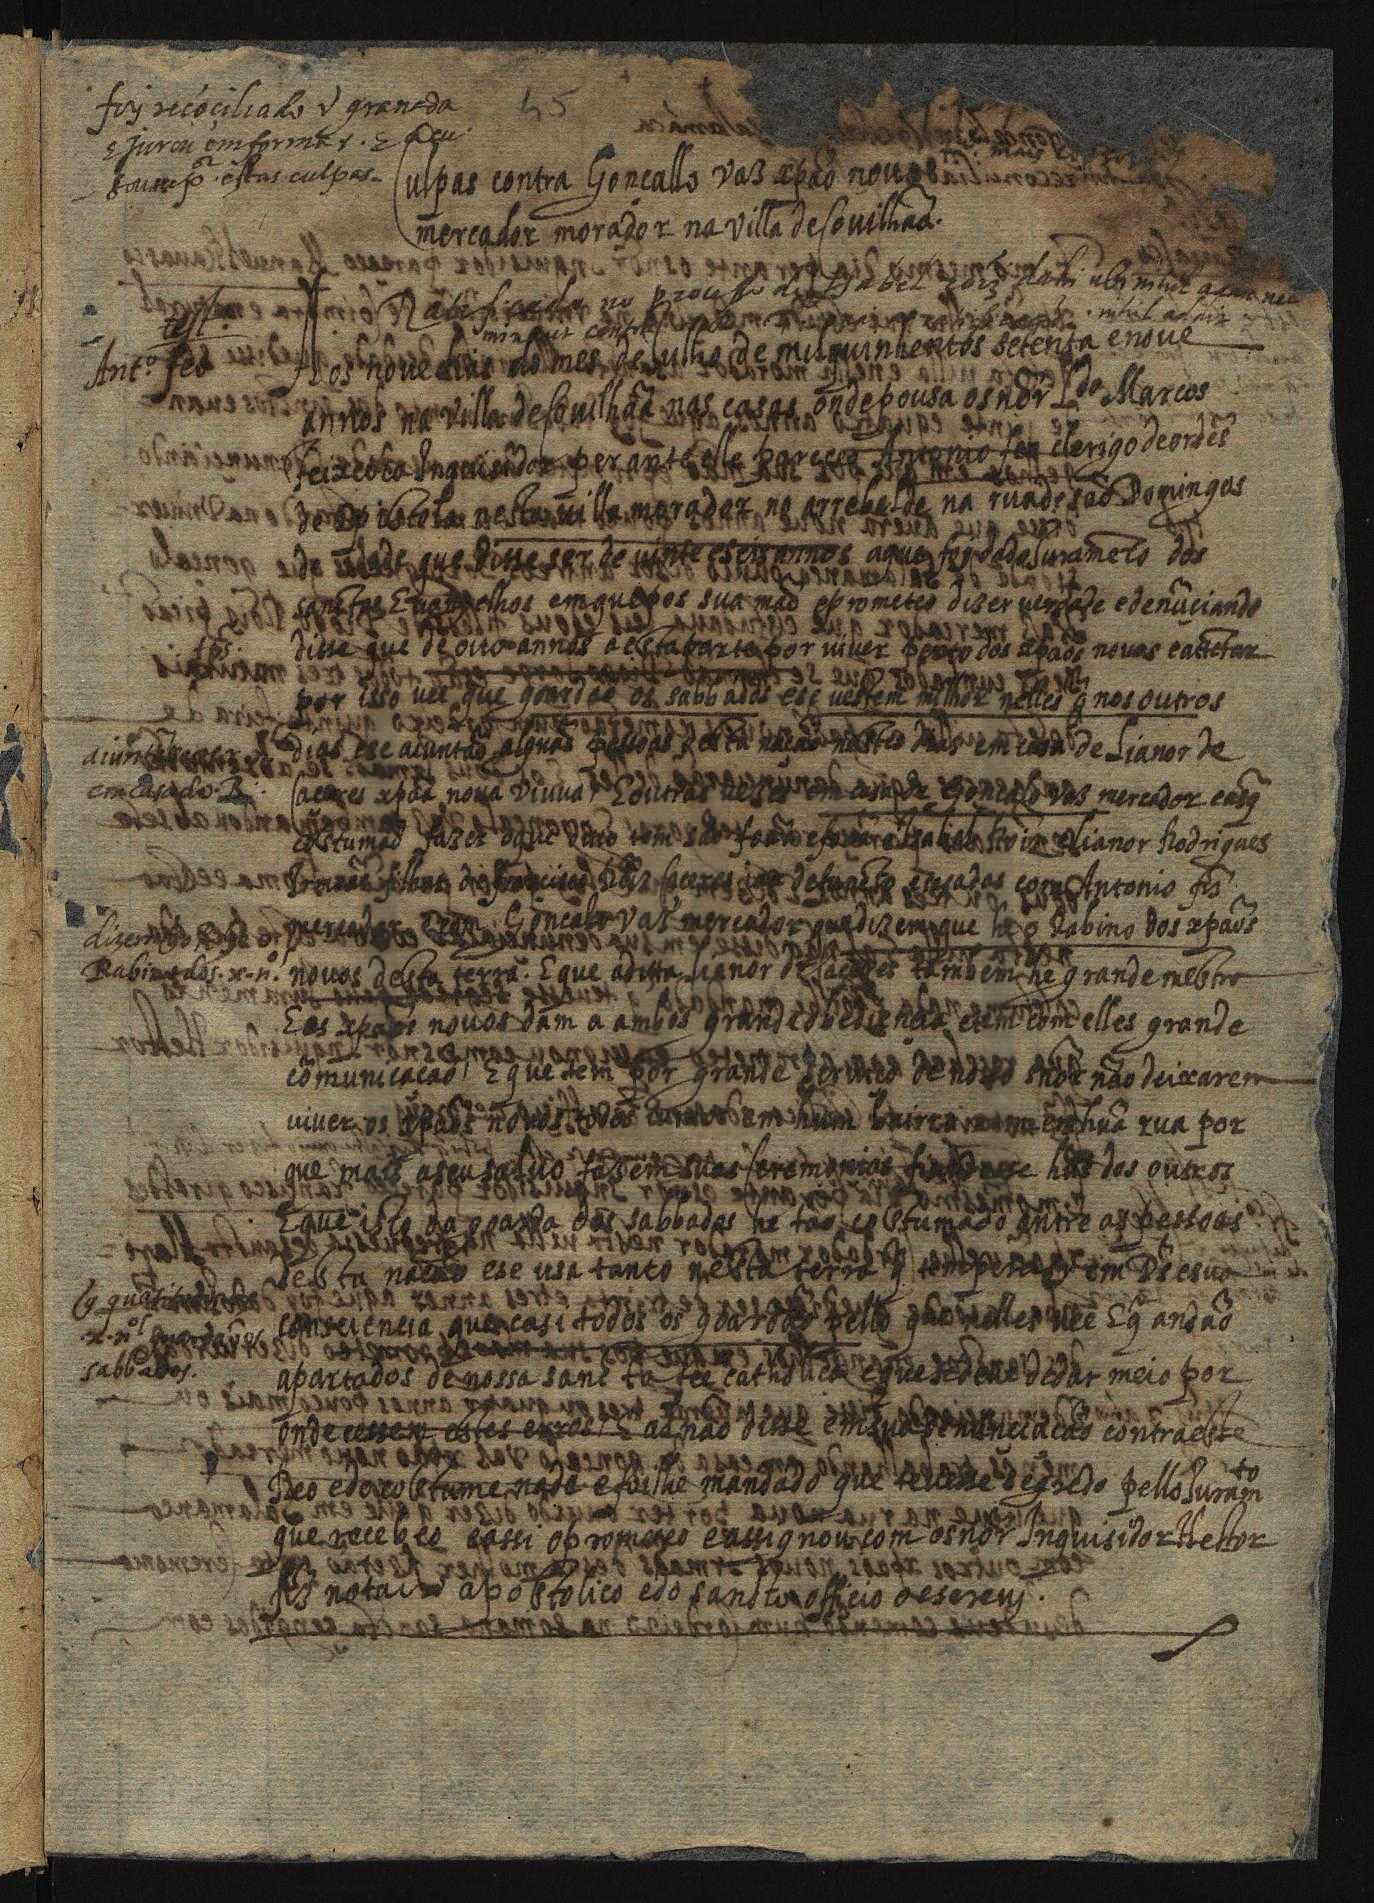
foy recōciliado ē granada
E Jurou em forma ./ E acu
sousse por estas culpas
Culpas contra Gonçallo vaz xpaõ nouo
mercador morador na villa de Couilhāa.
Ratificada no processo de Jsabel roiz̄ dahi ubj nihil addit nec
min ut contra illas n̄ uai a ratificação nihil adit.
testa
Anto. feo
Aos noue dias do mes de Iulho de mil quinhentos setenta e noue
annos na villa de Couilhaā nas casas onde pousa o snōr L.do Marcos
Teixeira Inquisidor perante elle pareceo Antonio feo clerigo de ordes̄
de Epistola nesta uilla morador no arrebalde na rua de saõo Domingos
de idade que disse ser de uinte e seis annos a que foy dado Juramēto dos
sanctos Euagelhos em que pos sua mão e prometeo dizer uerdade e denūciando
disse que de oito annos a esta parte por uiuer perto dos xpaõs nouos e attētar
por isso uee que goardaõ os sabbados e se uestem milhor nelles q̄ nos outros
dias e se aiuntaõ alguās pessoas desta naçaõ nestes dias em casa de Lianor de
aiuntāse os xn
em casa da R
Caceres xpaā noua viuua E outras uezes em casa de Gonçalo vaz mercador e as q̄
costumaõ fazer o que ditto tem são foaõ e foaõm e Izabel Roīz e lianor Rodrigues
Irmaās filhas de francisco Roiz̄ de Caceres Iaa defuncto casadas com Antonio frz̄
mercador e com Gomçalo Vaz mercador que dizem que he o Rabino dos xpaõs
dizem q̄ o R he o
Rabino dos .x. n.os
nouos desta terra. E que a dita lianor de Caceres tambem he grande mestra
E os xpaõs nouos dam a ambos grande obediencia e tem com elles grande
cōmunicação / E que tem por grande seruiço de nosso snōr não deixarem
uiuer os xpaõs novos todos iuntos em hum bairro nem em huā rua por
que mais a seu saluo fazem suas Ceremonias fiandosse hūs dos outros
E que isto da goarda dos sabbados he tão costumado antre as pessoas
desta nação e se usa tanto nesta terra q̄ tem pera sy em Ds̄ e sua
consciencia que casi todos os goardaõ pello que nelles uee E q̄ andaõ
q̄ quasi todos os
.x. nos guardão os
sabbados.
apartados de nossa sancta fee catholica e que se deue de dar meio por
onde cessem estes erros / E al não disse em sua denunciação contra este
Reo e do costume nada e foilhe mandado que teuesse segredo pello Iuramto
que recebeo e assi o prometeo e assignou com o snōr Inquisidor Hector
frz̄ notairo apostolico e do sancto officio o escreuj
